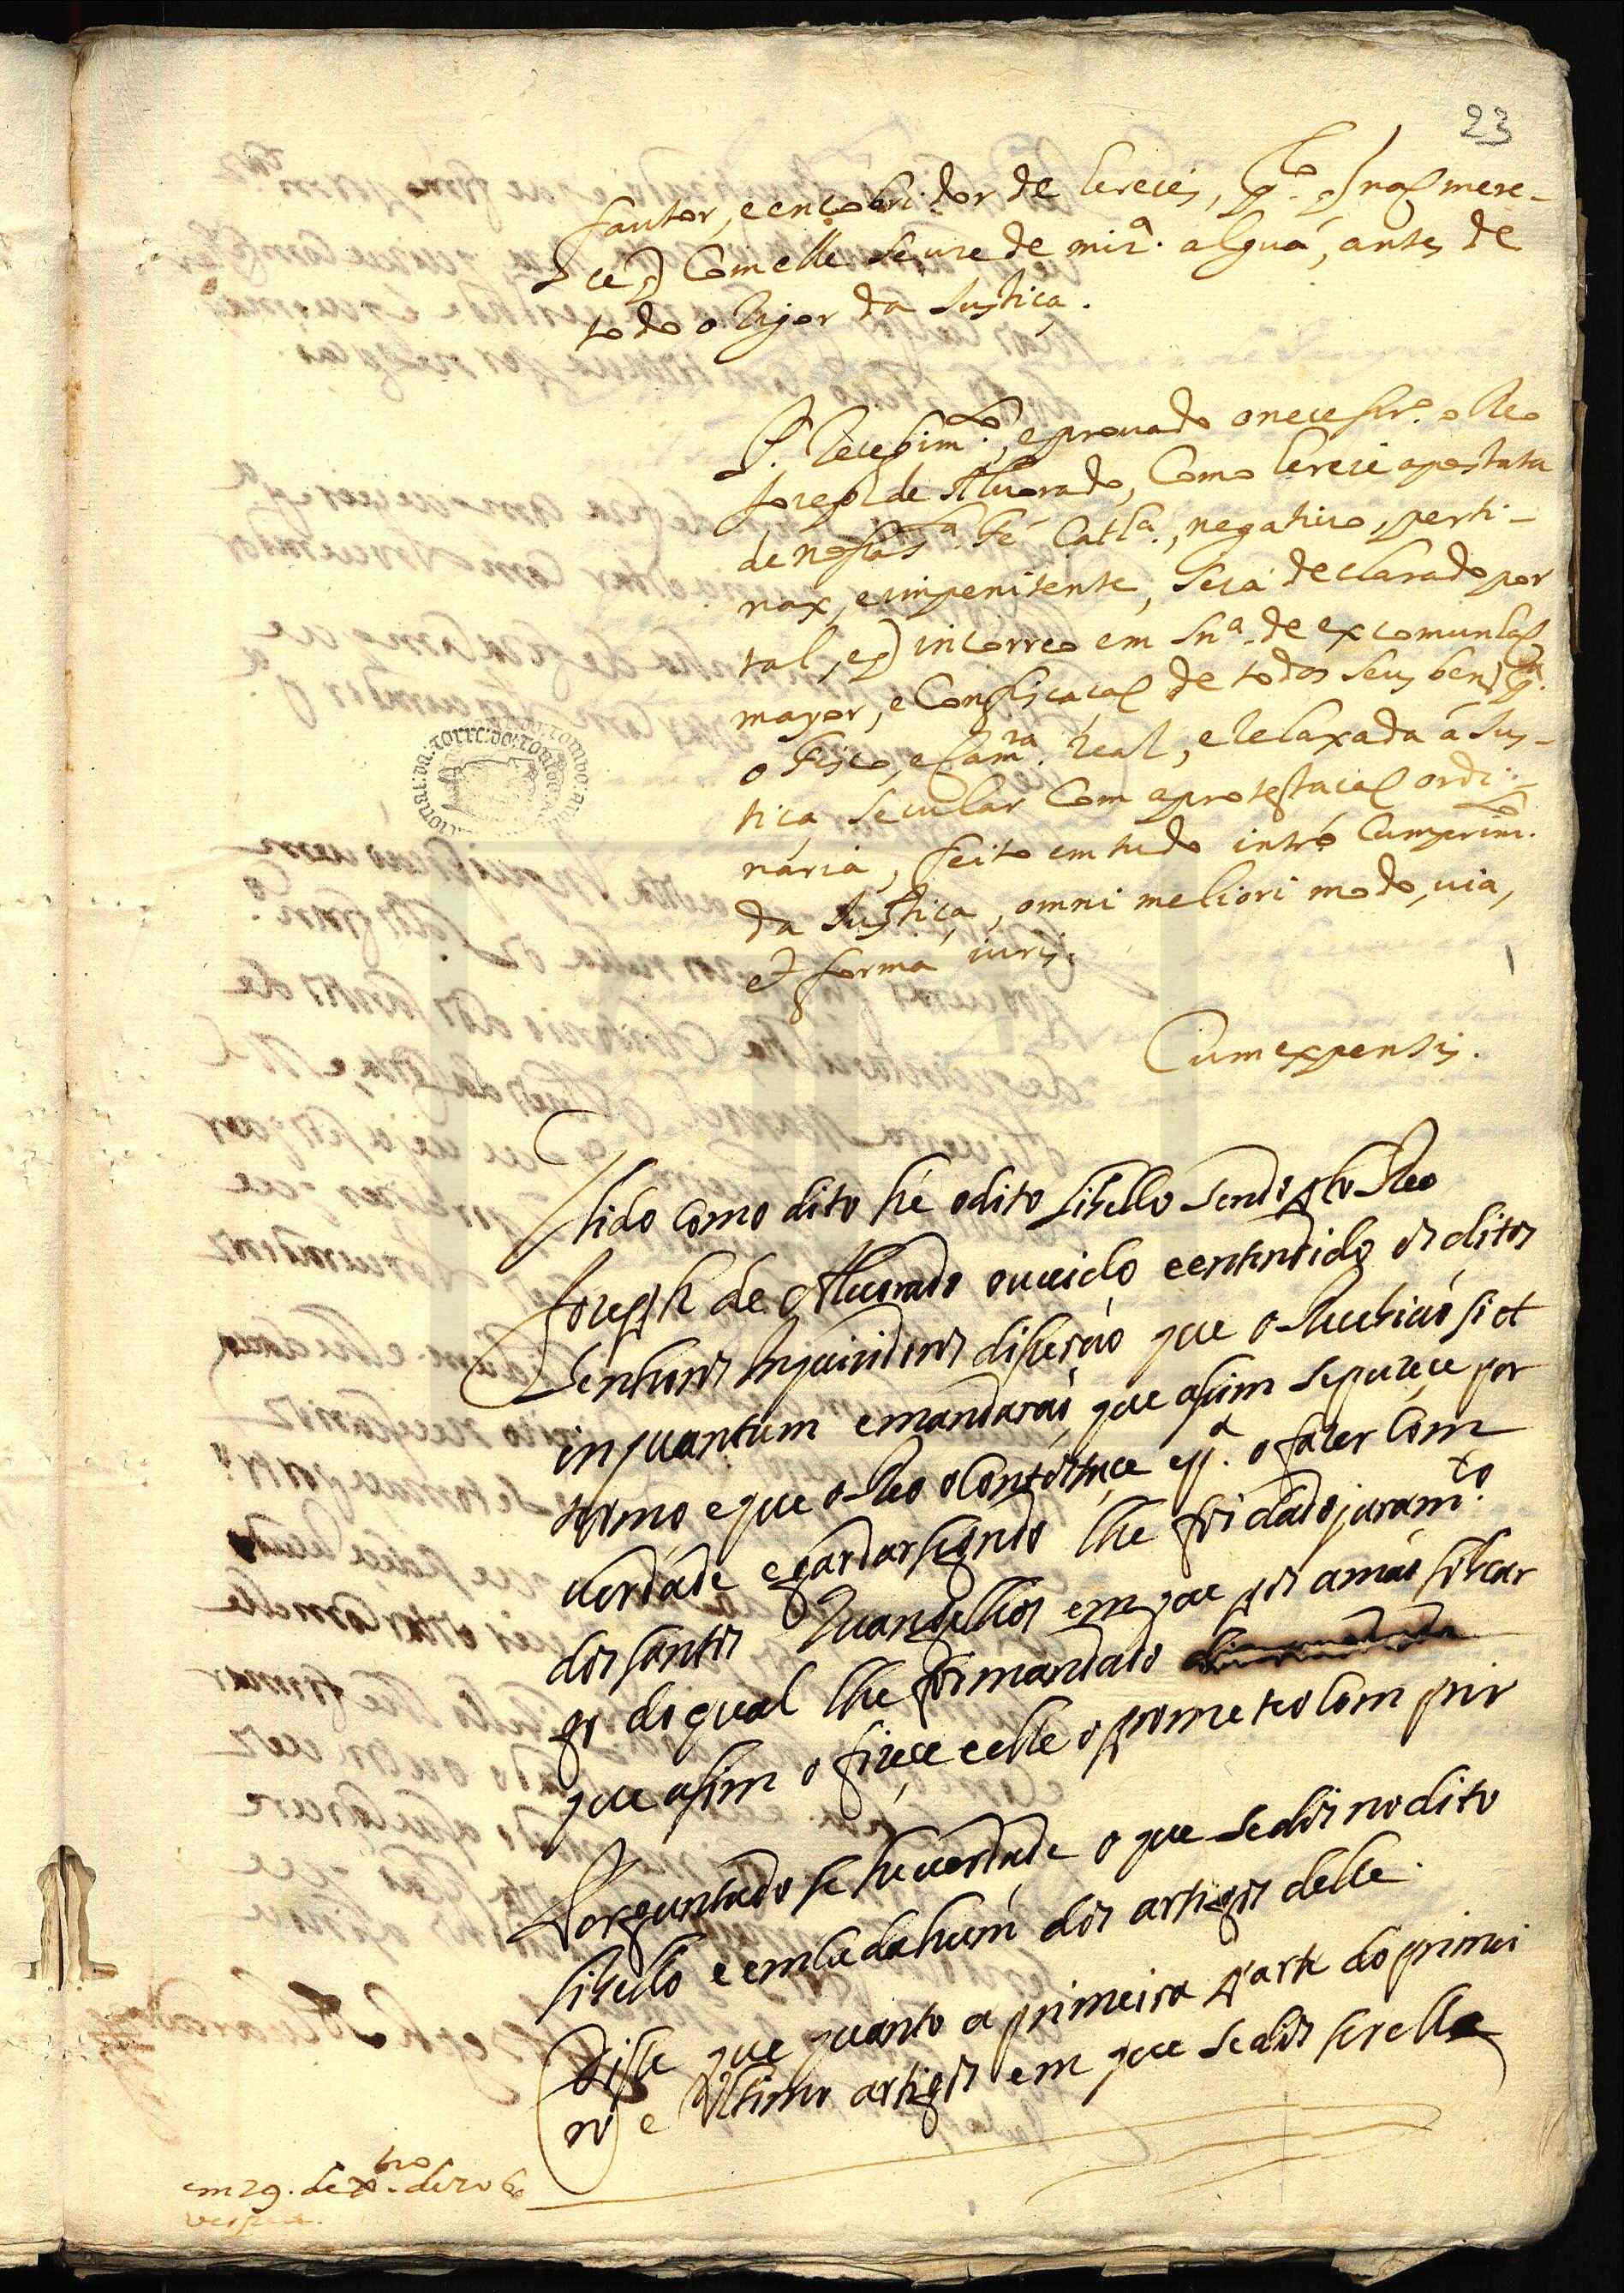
em 29. de x.bro de 706
vespert.
fautor, e encobridor de hereies, pl.o q̄ naõ mere
ce q̄ Com elle se uze de miz.a alguā, antes de
todo o Rigor da Iustiça.
P. Recebim.to; e prouado o necessr.o o Reo
Jozeph de Aluorado, Como hereie apostata
de nossa sta Fé Catha., negatiuo, perti
nax, e impenitente, seia declarado por
tal, e q̄ incorreo em sna. de excomunhaõ
mayor, e Confiscaçaõ de todos seus bens pa.
o Fisco, e Camra. Real, e Relaxada á Ius
tiça secular Com a protestaçaõ ordi
nária, feito em tudo intro. cumprim.to
da Iustiça, omni meliori modo, uia,
et forma iuris.
Cum expensis.
E lido como dito he o dito Libello sendo plo Reo
Jozeph de Aluorado ouuido e entendido os ditos
Senhores Inquisidores disseraõ que o Recebiaõ si et
in quantum e mandaraõ, que asim se puzeçe por
termo e que o Reo o Contestaçe e p.a o fazer com
uerdade e guardar segredo lhe foi dado juram.to
dos santos Euangelhos em que pos a maõ sob car
go do qual lhe foi mandado
que asim o fizeçe e elle o prometeo comprir
Perguntado se he uerdade o que se dis no dito
libello e em cada hum dos artigos delle
Disse que quanto a primeira parte do primei
ro e Vltimo artigos em que se dis ser ella
